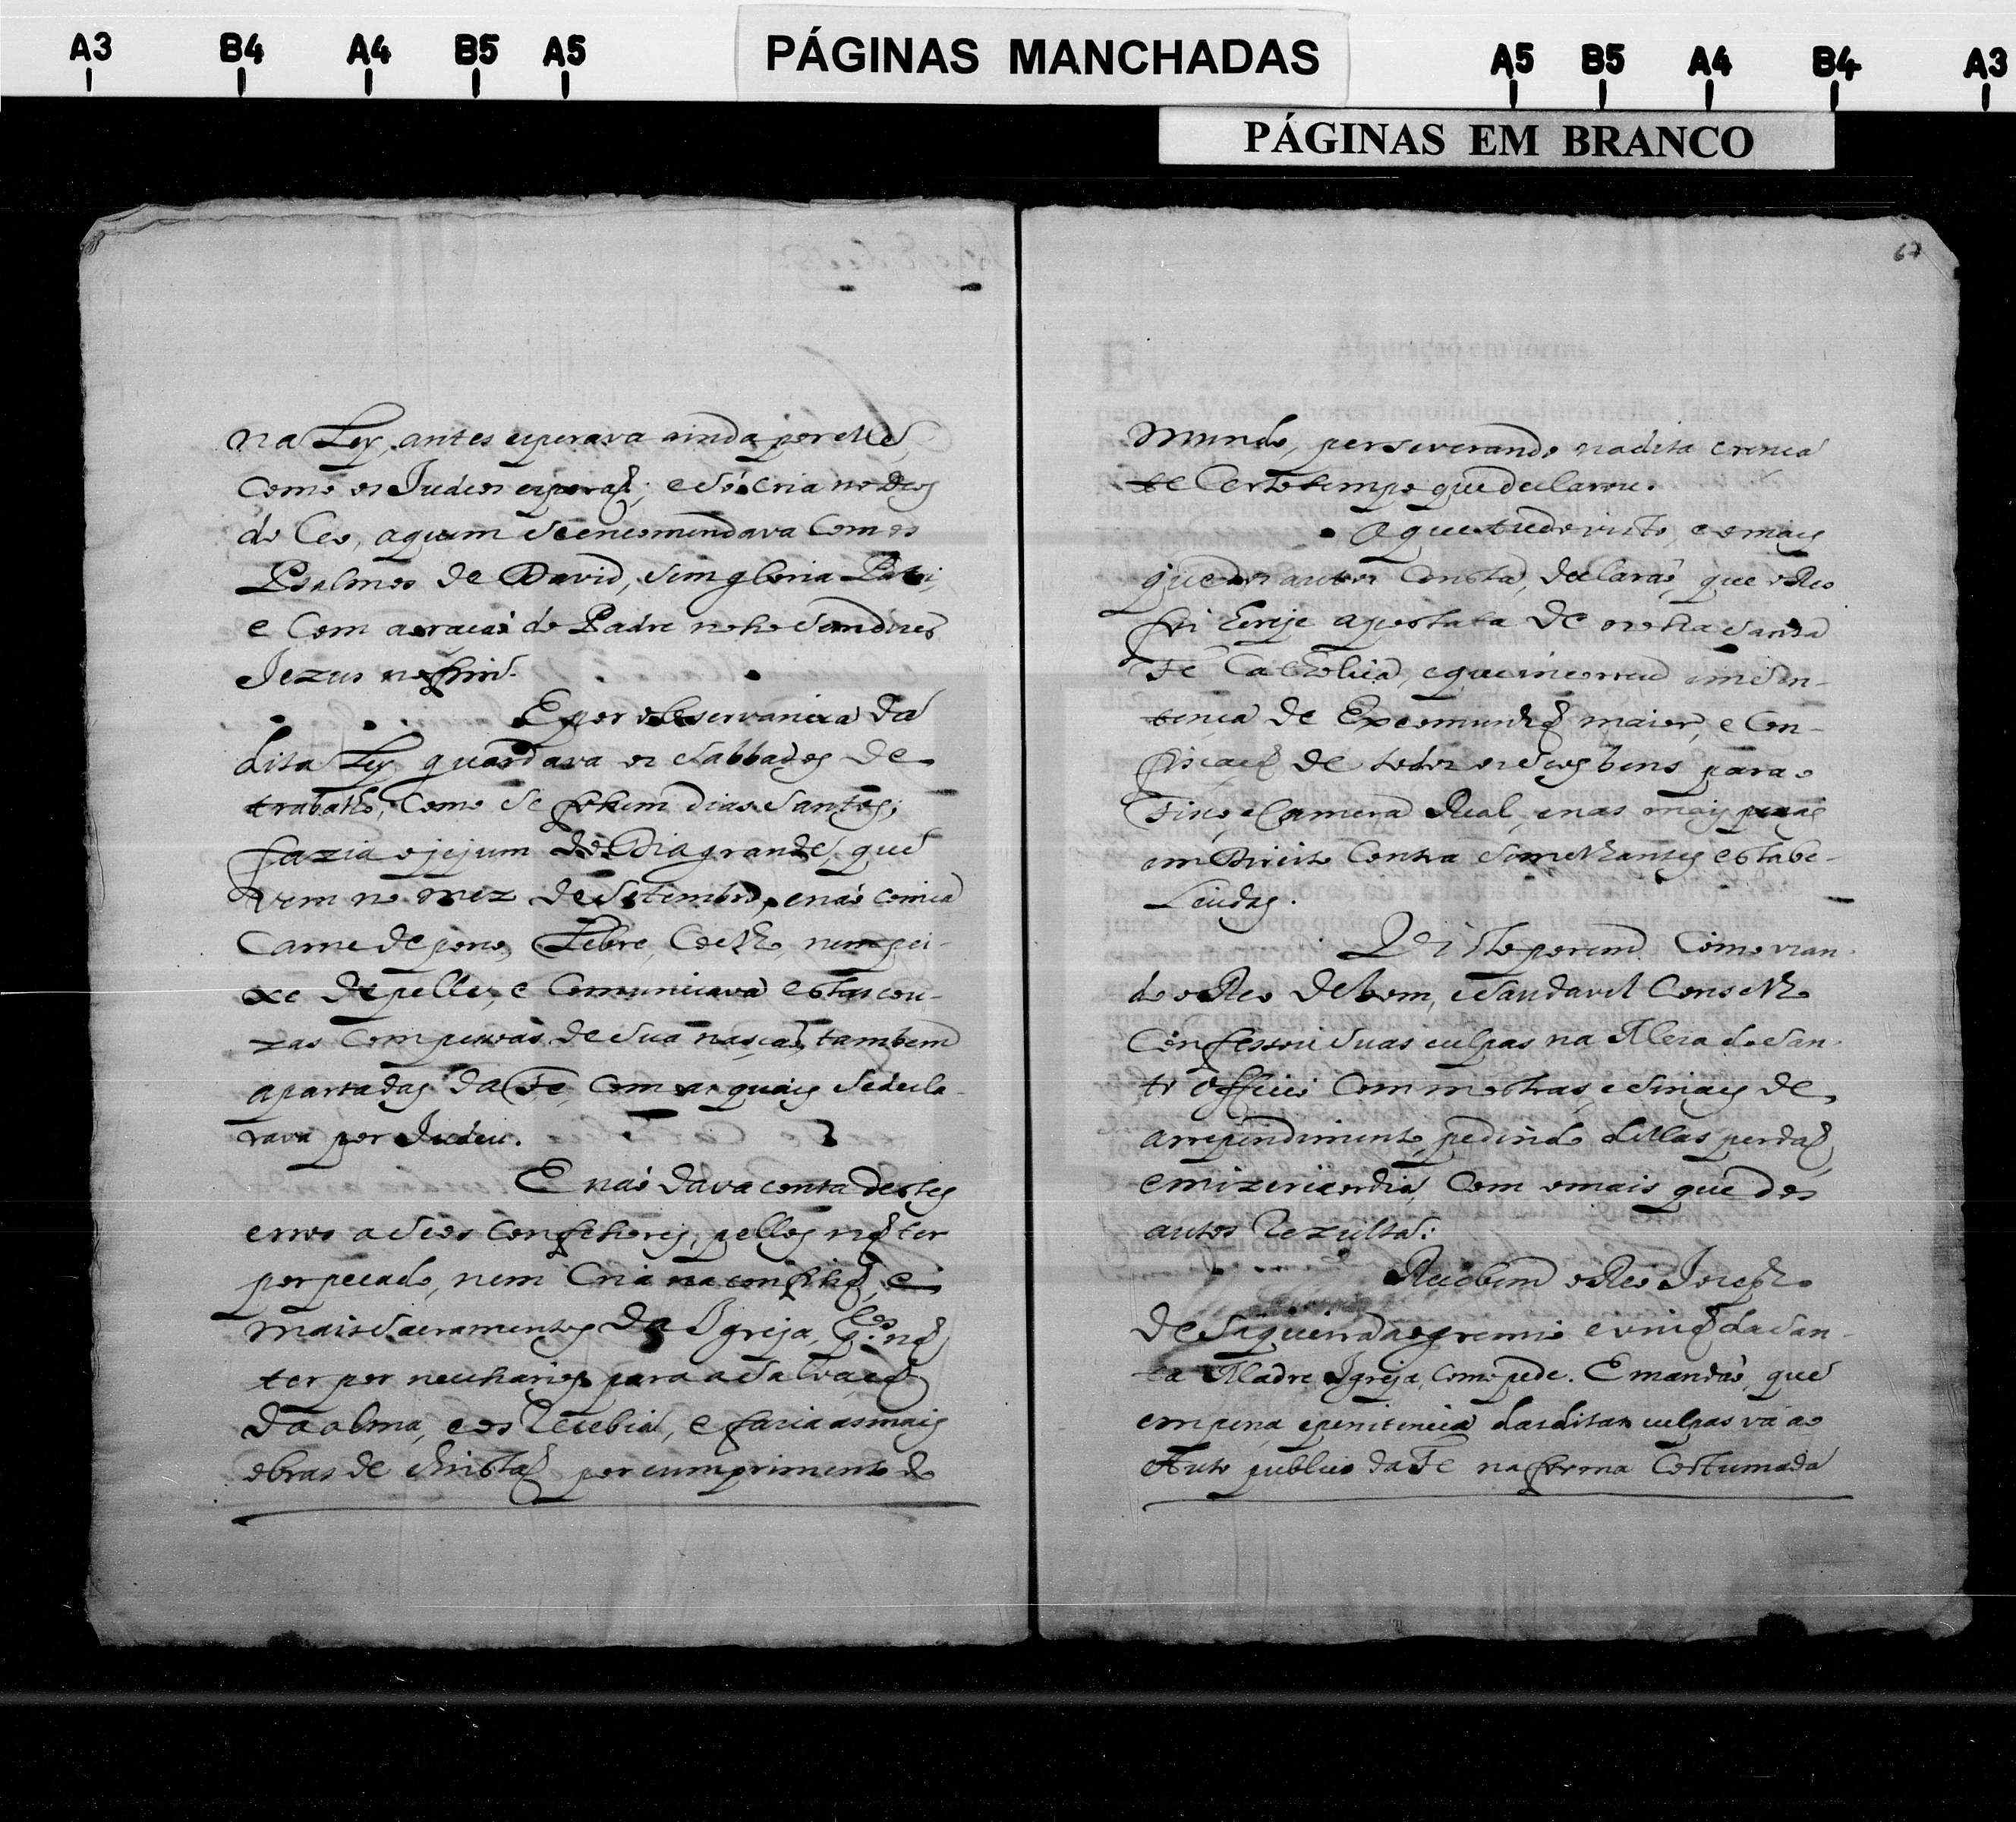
na Ley, antes esperava ainda por elle,
como os Iudeos esperaõ; e só o cria no Deos
do Ceo, a quem se encomendava Com os
Psalmos de David, sem gloria Patri,
e Com a oraçaõ do Padre nosso sem dizer
Iezus no fim.
E por observancia da
dita Ley guardava os sabbados de
trabalho, como se fossem dias santos;
fazia o jejum do Dia grande, que
vem no mez de setembro, e naõ comia
carne de porco, Lebre, Coelho, nem pei
xe de pelle, e Comunicava estas cou
zas com pessoas de sua nasçaõ, tambem
apartadas da Fe, com as quais se decla
rava por Iudeu.
E naõ dava conta destes
erros a seos confessores, pellos naõ ter
por pecado, nem Cria na confissaõ, e
mais sacramentos da Igreja, p.los naõ
ter por necessarios para a salvaçaõ
da alma, e os Recebia, e fazia as mais
obras de christaõ por cumprimento do
mundo, perseverando na dita crença
te certo tempo que declarou.
o que tudo visto, e o mais
que dos autos Consta, declaraõ que o Reo
foi hereje apostata de nossa santa
Fe Catholica, e que incorreu em sen
tença de Excomunhaõ maior, e Con
fiscaçaõ de todos os seus bens para o
Fisco, Camera Real, e nas mais penas
em Direito Contra semelhantes estabe
Lecidas.
Visto porem como vzan
do o Reo de bom, e saudavel Conselho
Confessou suas culpas na Meza do san
to officio com mostras, e sinaes de
arrependimento, pedindo dellas perdaõ
e mizericordia, com o mais que dos
autos Rezulta:
Recebem o Reo Iozeph
de Siqueira ao gremio e uniaõ da san
ta Madre Igreja, como pede. E mandaõ, que
em pena e penitencia das ditas culpas vá ao
Auto publico da Fe na forma costumada
